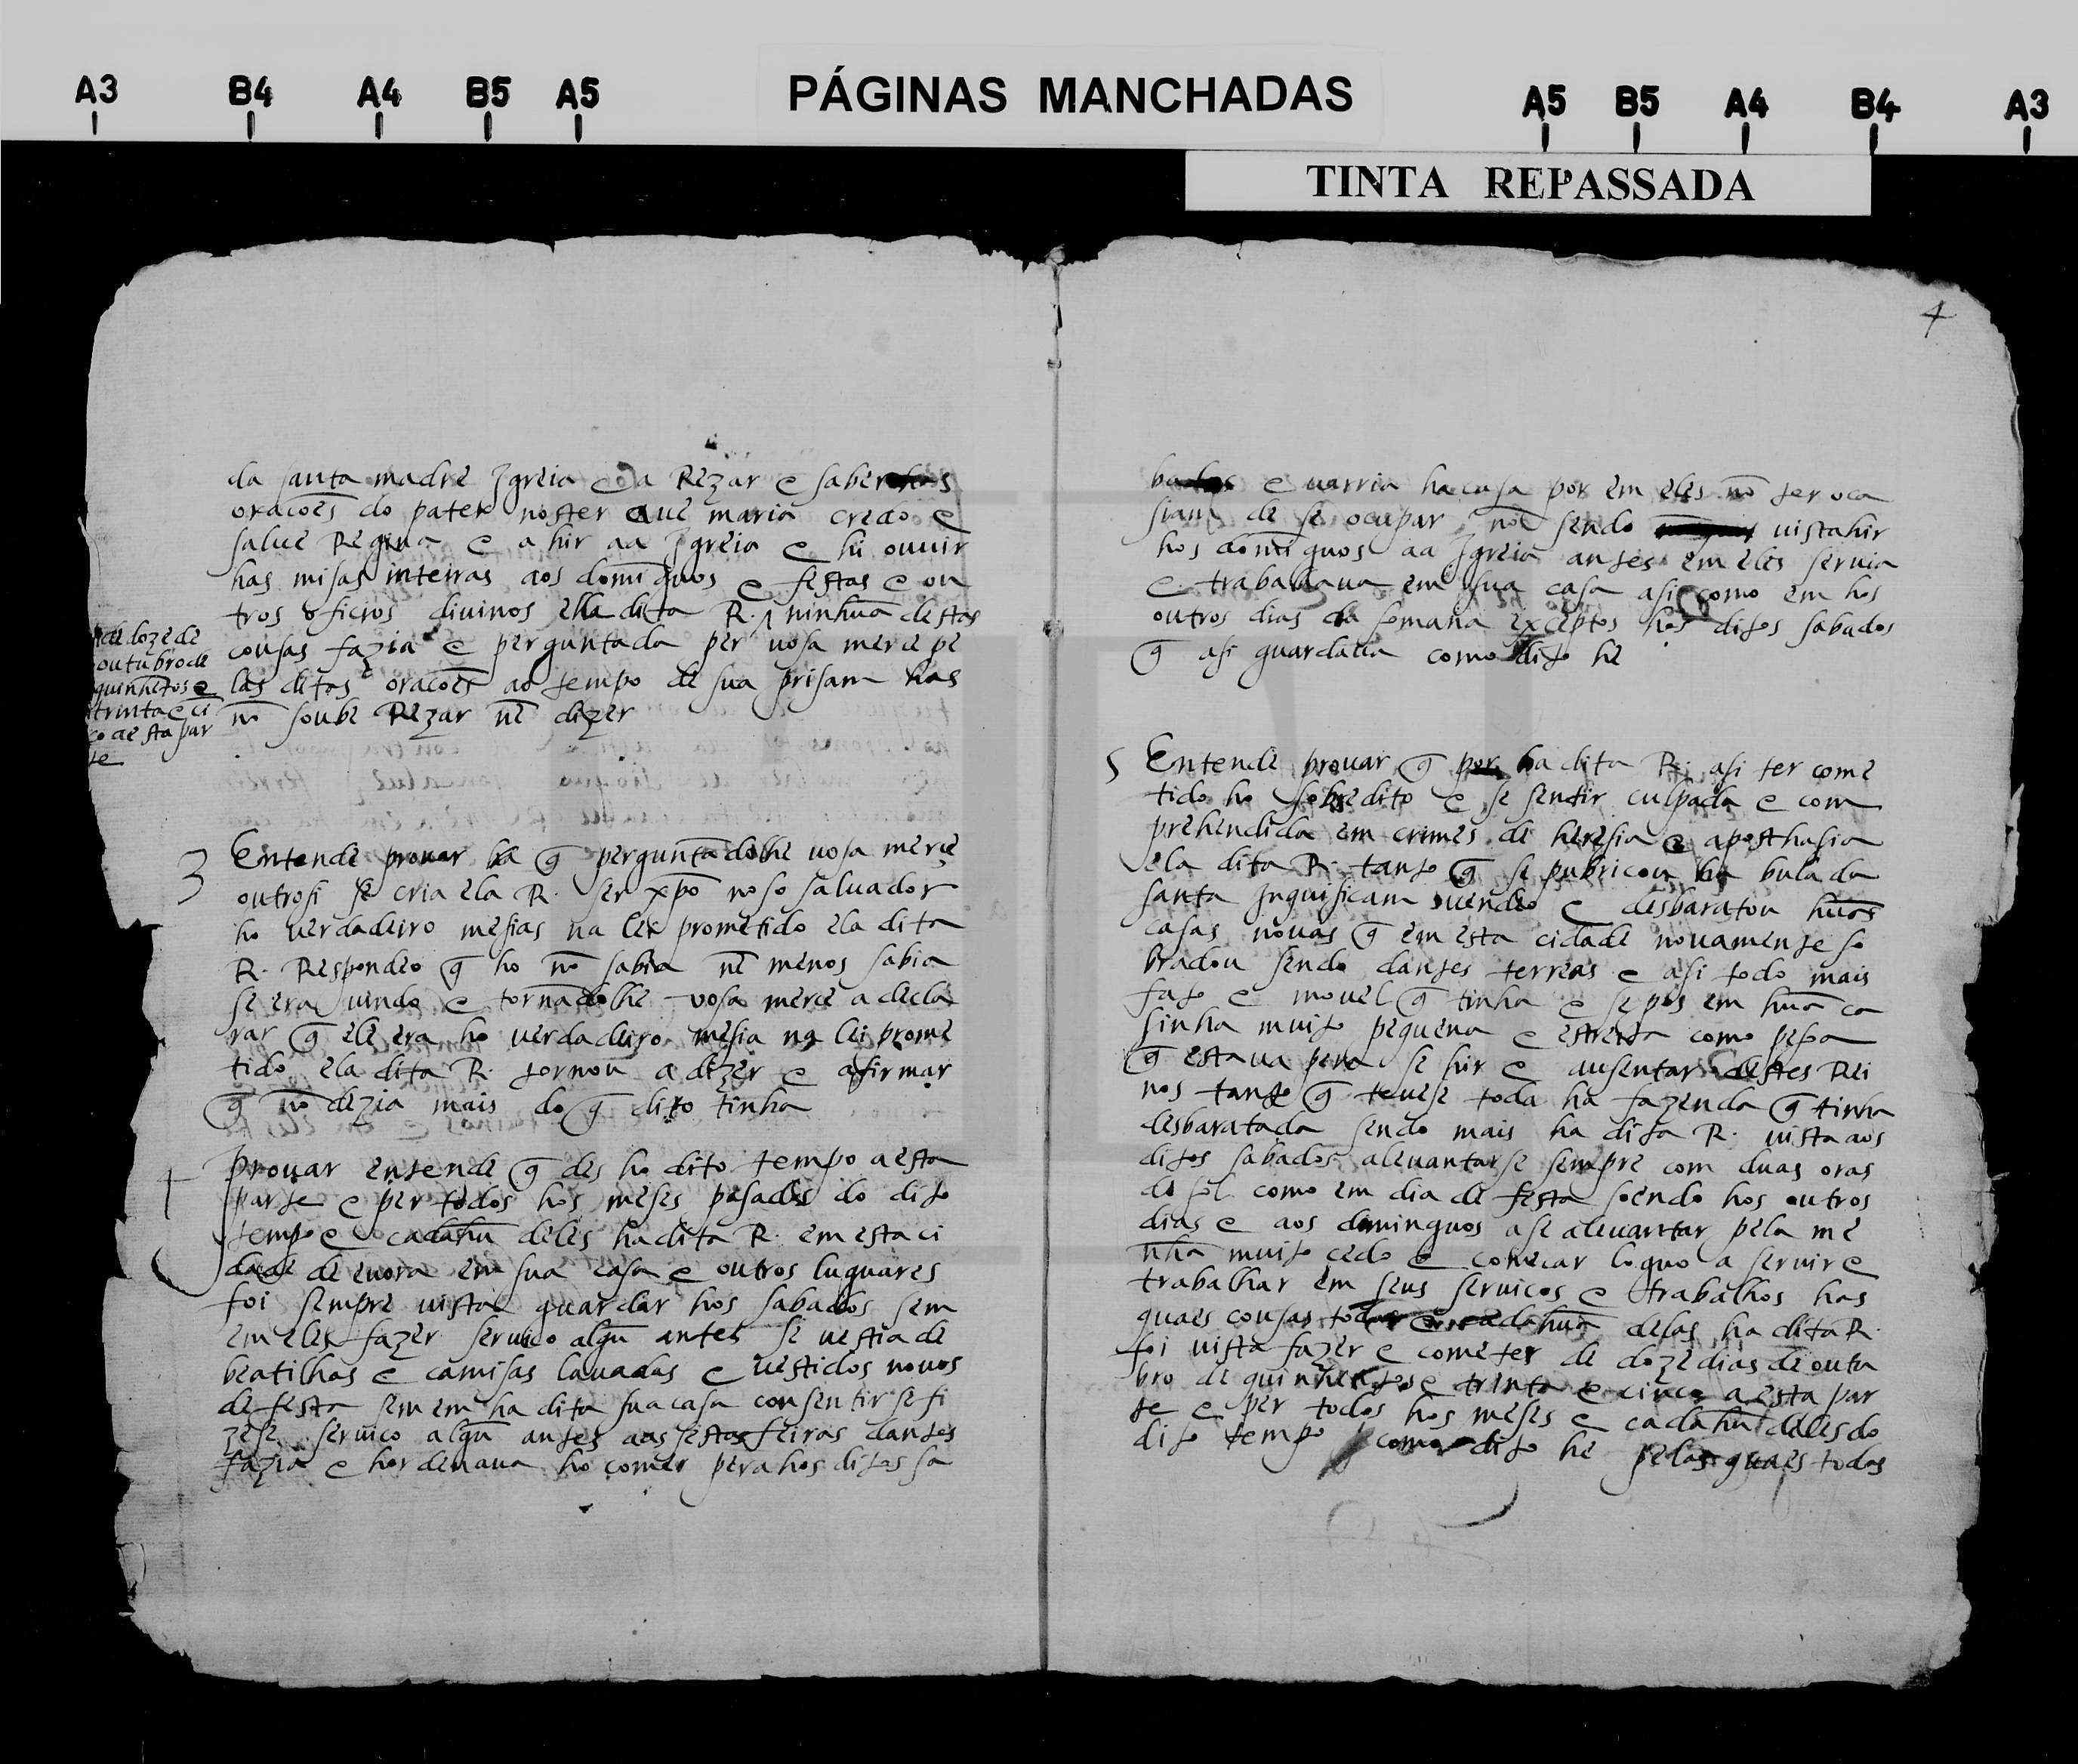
de doze de
outubro de
quinhētos e
trinta e cī
co a esta par
te
da santa madre Jgreia e a Rezar e saber has
orações do pater noster aue maria credo e
salue Regina e a hir aa Jgreia e hi ouuir
has misas inteiras aos dom̄iguos e festas e ou
tros oficios diuinos ella dita R. ninhūa destas
cousas fazia e perguntada per uosa merce pe
las ditas orações ao tempo de sua prisam has
n̄o soube Rezar n̄e dizer
Entende prouar ha q̄ perguntādolhe uosa merce
outrosi se cria ela R. ser xp̄o noso saluador
ho uerdadeiro mesias na lei prometido ela dita
R. Respondeo q̄ ho n̄o sabia n̄e menos sabia
se era uindo e tornādolhe vosa merce a decla
rar q̄ ele era ho uerdadeiro mesia na lei prome
tido ela dita R. tornou a dizer e afirmar
q̄ n̄o dezia mais do q̄ dito tinha
Prouar entende q̄ des ho dito tempo a esta
parte e per todos hos meses pasados do dito
tempo e cada hū deles ha dita R. em esta ci
dade de euora em sua casa e outros luguares
foi sempre uista guardar hos sabados sem
em eles fazer seruiço algū antes se uestia de
beatilhas e camisas lauadas e uestidos nouos
de festa sem em ha dita sua casa consentir se fi
zese seruiço algū antes aas sestas feiras dantes
fazia e hordenaua ho comer pera hos ditos sa
bados e uarria ha casa por em eles n̄o ter oca
siam de se ocupar n̄o sendo __ uista hir
hos dom̄iguos aa Jgreia antes em eles seruia
e trabalhaua em sua casa asi como em hos
outros dias da somana excepto hos ditos sabados
q̄ asi guardaua como dito he
Entende prouar q̄ por ha dita R. asi ter come
tido ho sobredito e se sentir culpada e com
prehendida em crimes de heresia e apostasia
ela dita R. tanto q̄ se pubricou ha bula da
santa Jnquisiçam uendeo e desbaratou hūas
casas nouas q̄ em esta cidade nouamente so
bradou sendo dantes terreas e asi todo mais
fato e mouel q̄ tinha e se pos em hūa ca
sinha muito pequena e estreita como pesoa
q̄ estaua pera se hir e ausentar destes Rei
nos tanto q̄ teuese toda ha fazenda q̄ tinha
desbaratada sendo mais ha dita R. uista aos
ditos sabados aleuantar se sempre com duas oras
do sol como em dia de festa soendo hos outros
dias e aos dominguos a se aleuantar pela me
nhā muito cedo e começar loguo a seruir e
trabalhar em seus seruiços e trabalhos has
quaes cousas todas e cada hūa delas ha dita R
foi uista fazer e cometer de doze dias de outu
bro de quinhentos e trinta e cinco a esta par
te e per todos hos meses e cada hū deles do
dito tempo como dito he pelas quaes todas
